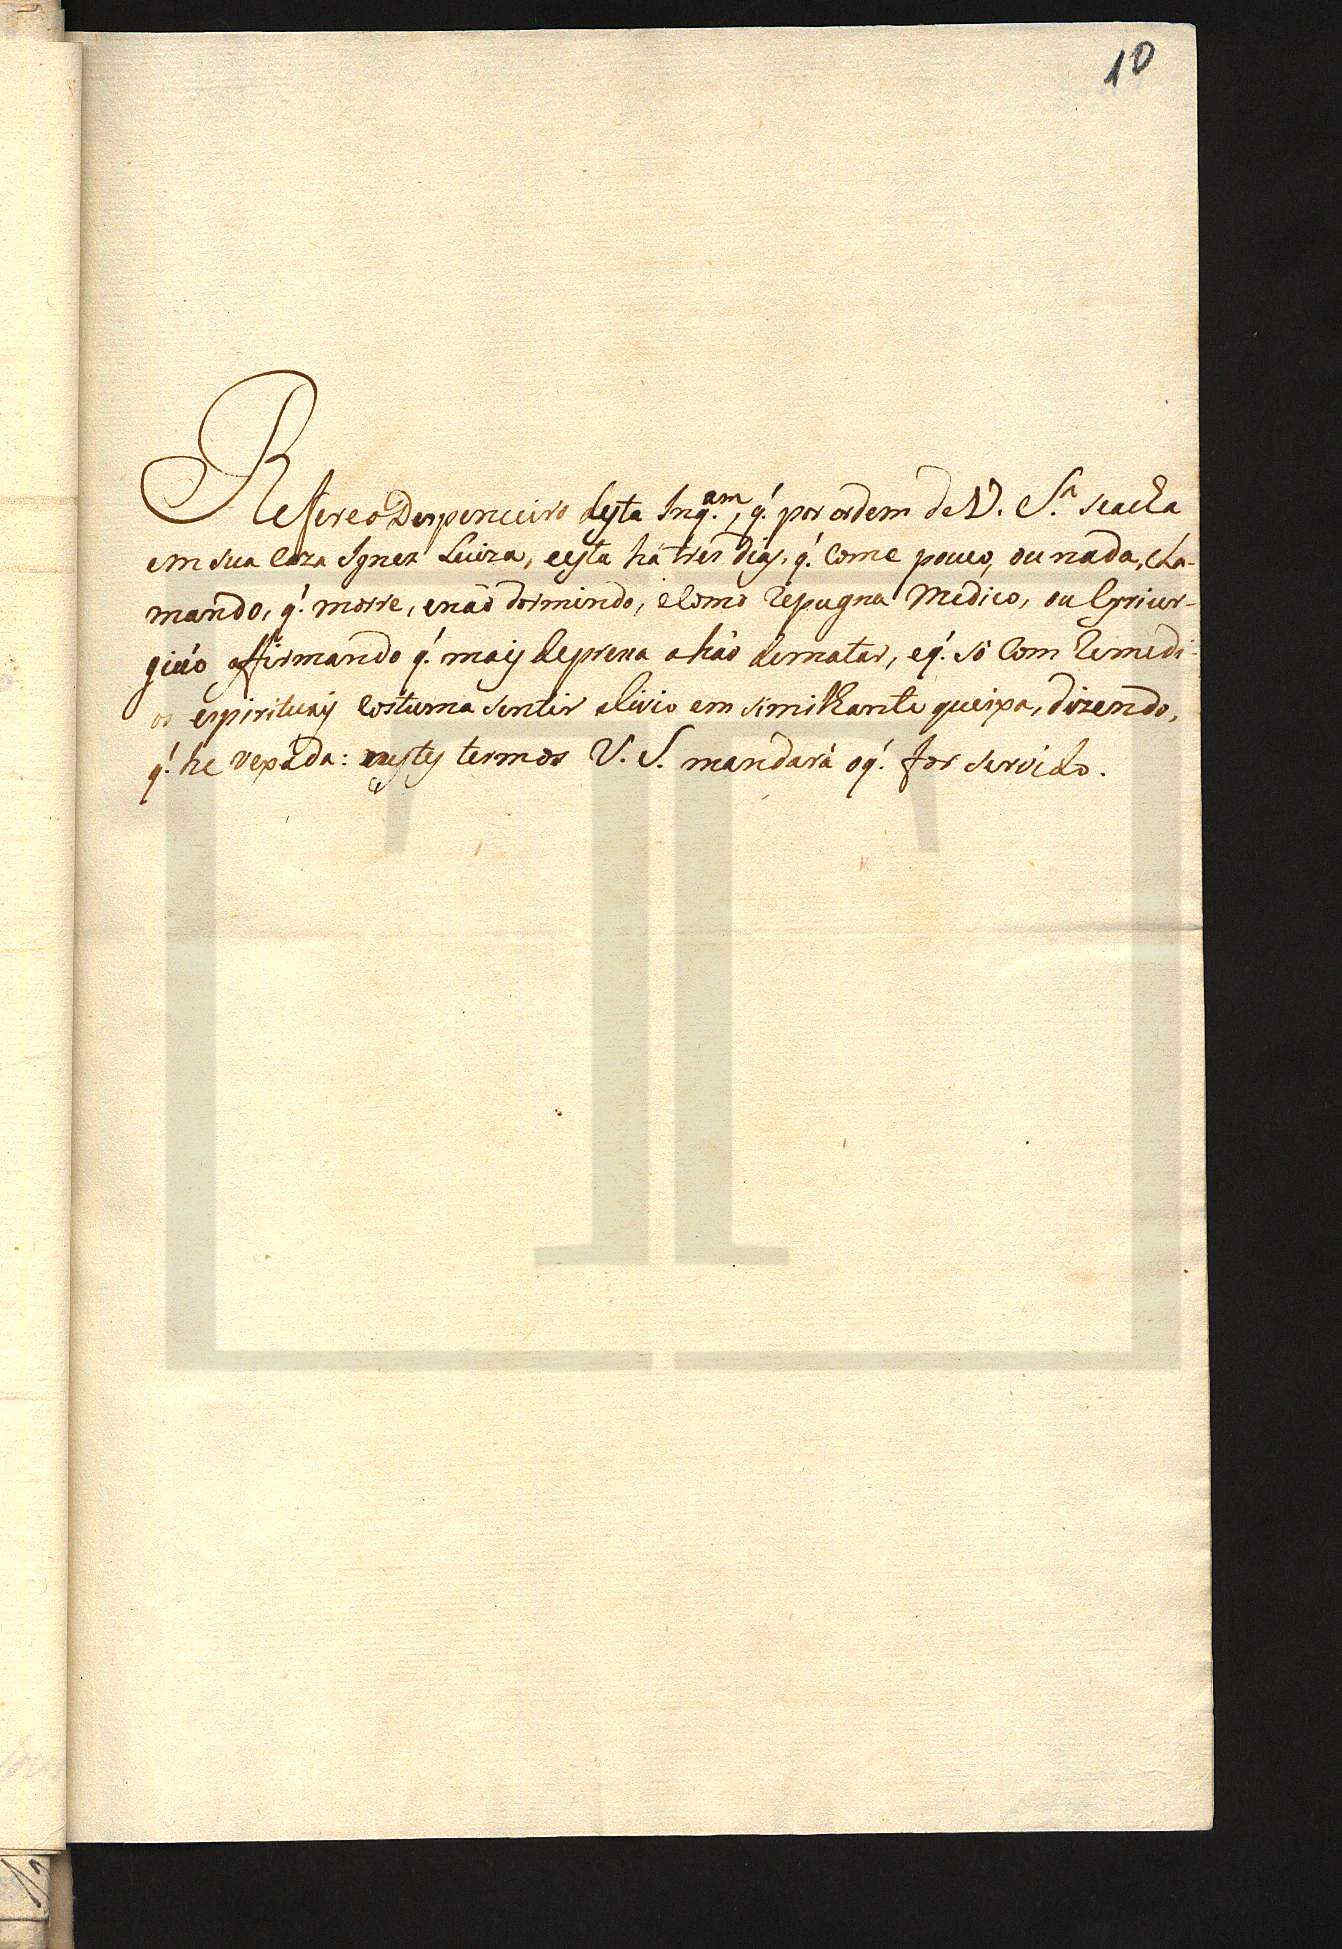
Refere o Despenceiro desta Inq.am q̄ por ordem de V. S.a se acha
em sua caza Ignez Luiza, e esta há tres dias, q̄ come pouco, ou nada, cLa
mando, q̄ morre, e naõ dormindo, e como Repugna medico, ou Cyriur
gião affirmando q̄ mais depressa a haõ de matar, e q̄ só com Remedi
os espirituais costuma sentir alivio em similhante queixa, dizendo,
q̄ he vexada: nestes termos V. S. mandará o q̄ for servido.
